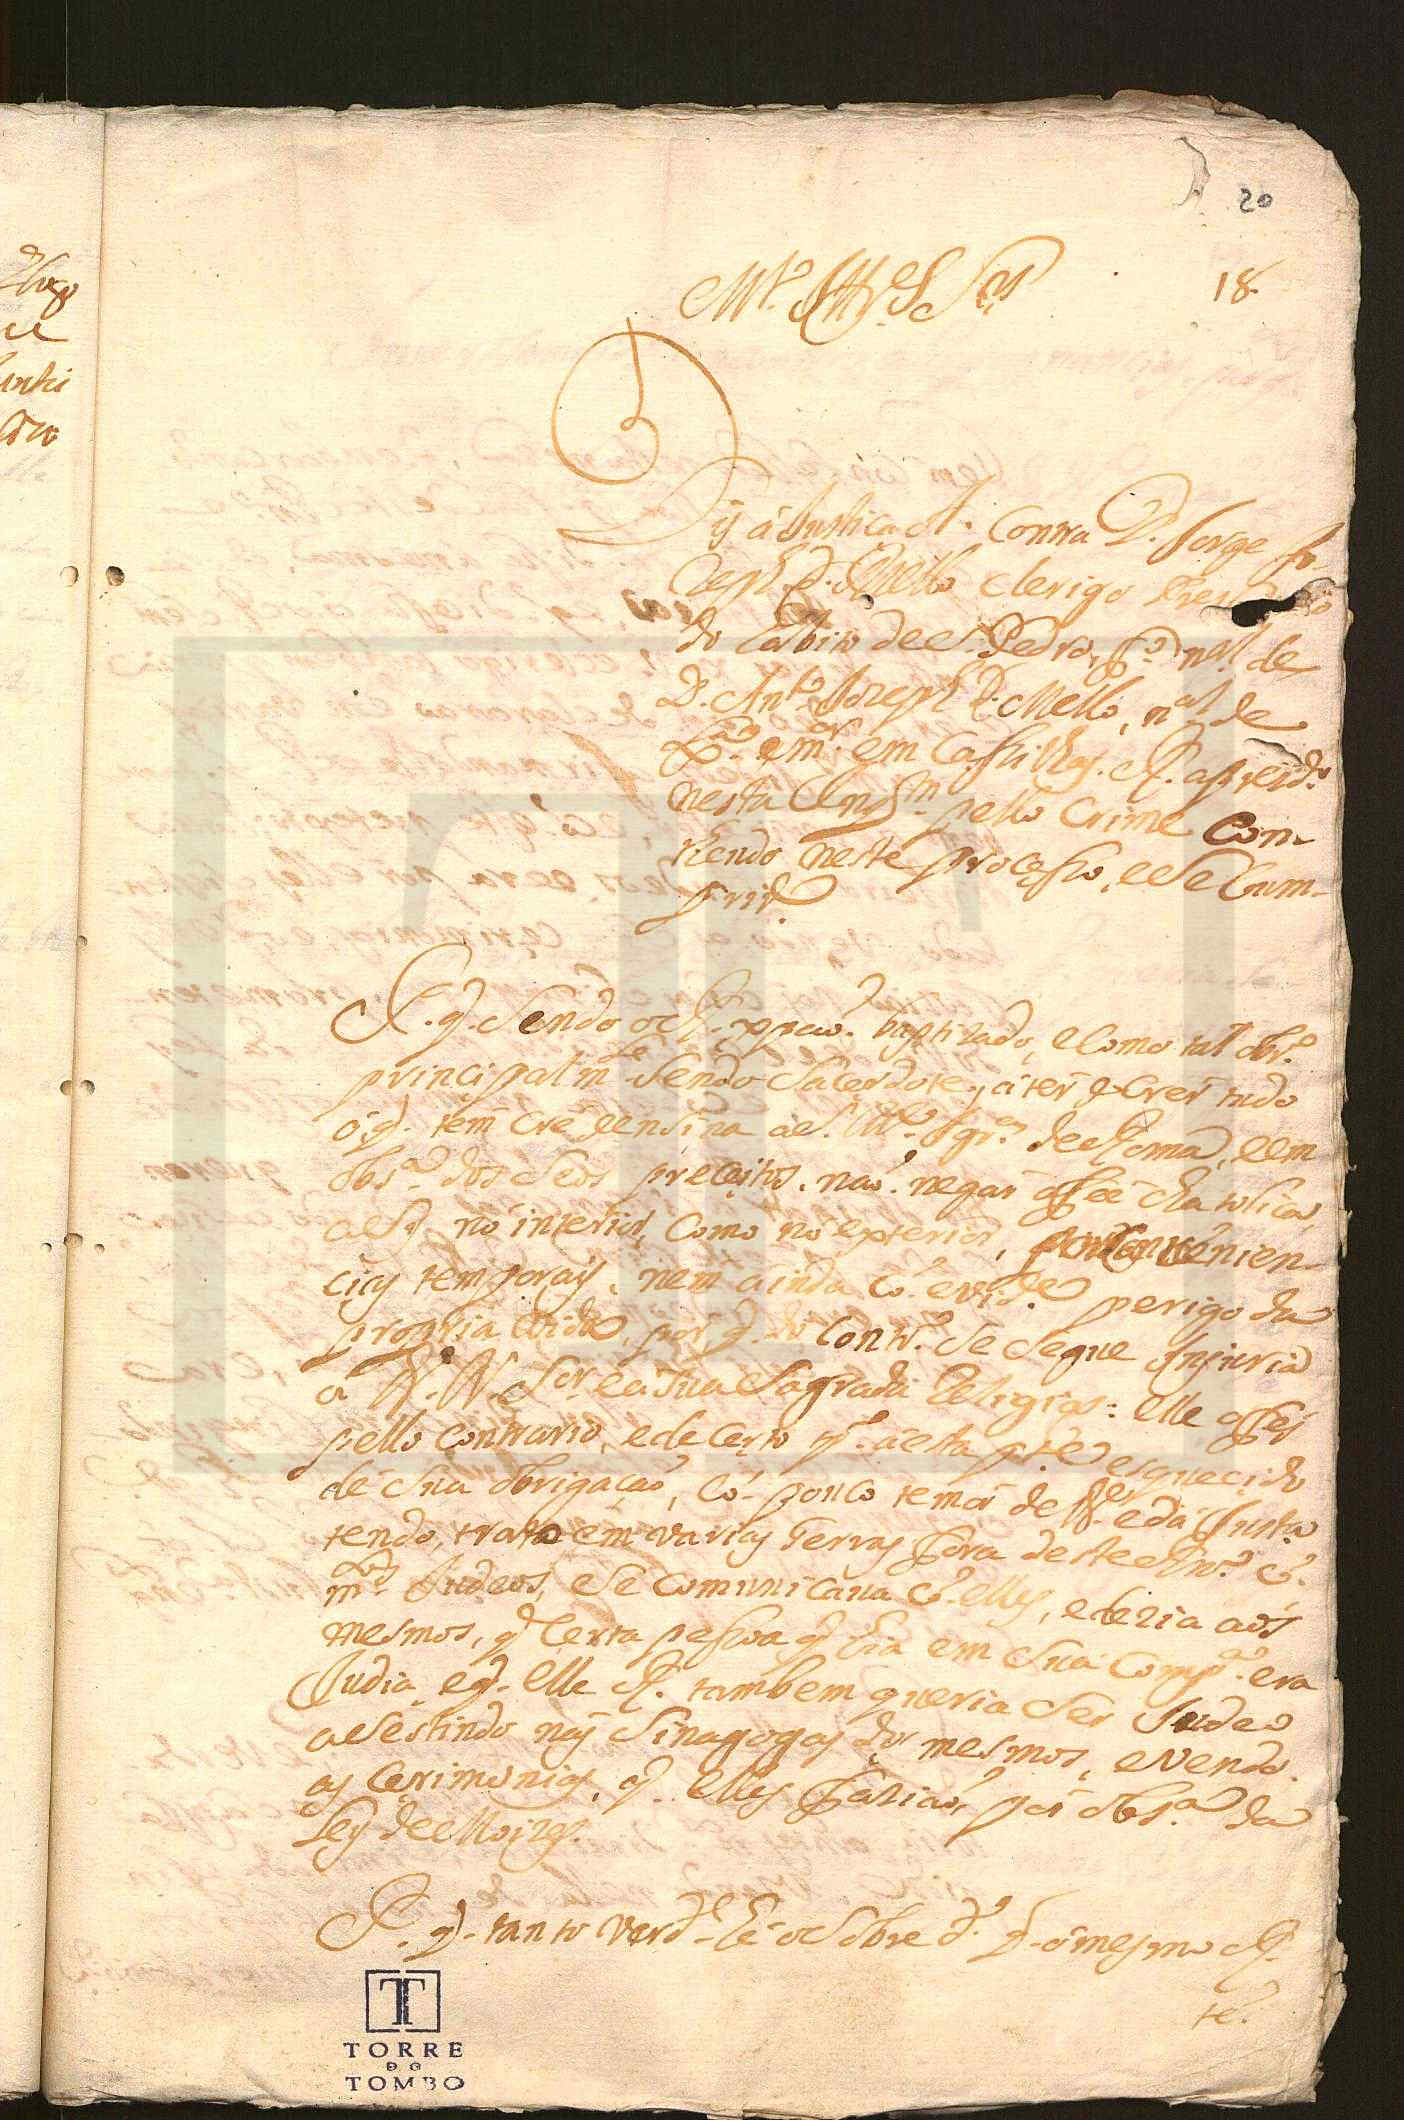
Mto. Ill.es S.res
Dis a Iustiça A. Contra D. Jorge Jo
zeph d̄ Mello clerigo Pres
do habito de S Pedro, f.o na.l de
D. An.to Jozeph d̄ Mello, nal. de
Lx.a e m.or em Cassilhas. R. aprezd.o
nesta Inq.m pello crime con
theudo neste processo, e Se Cum
prir.
P. q̄ Sendo o R. xpaõ. baptizado, e como tal obr.o
principalm.te sendo Sacerdote, á ter e crer tudo
o q̄. tem cré, e ensina a S. M.e Igr.a de Roma, e em
obsa. dos Seos preceitos. naõ negar a feé chatolica
asy no interior, como no exterior, por Conuenien
cias temporais, nem ainda cō evid.e perigo da
propria vida porq̄ do contr.o se segue Injuria
a D.s N. S.or e a sua Sagrada Religiaõ: elle o fes
pello contrario, e de certo tp.o a esta pt.e esquecido
de Sua obrigaçaõ, cō pouco temor de Ds e da Iust.a
tendo, trato em varias terras fora deste Rn.o cō
m.tos Iudeos, Se comunicaua cō elles, e dezia aos
mesmos, q̄ certa pessoa q̄ hia em sua comp.a era
Iudia e q̄ elle R. tambem queria ser Iudeo
asestindo nas Sinagogas dos mesmos, e vendo
as cerimonias, q̄ elles faziaõ, por obs.a da
Ley de Moizes.
P. q̄. tanto verd̄.e hé o sobred̄.o q̄ o mesmo R.
tē
